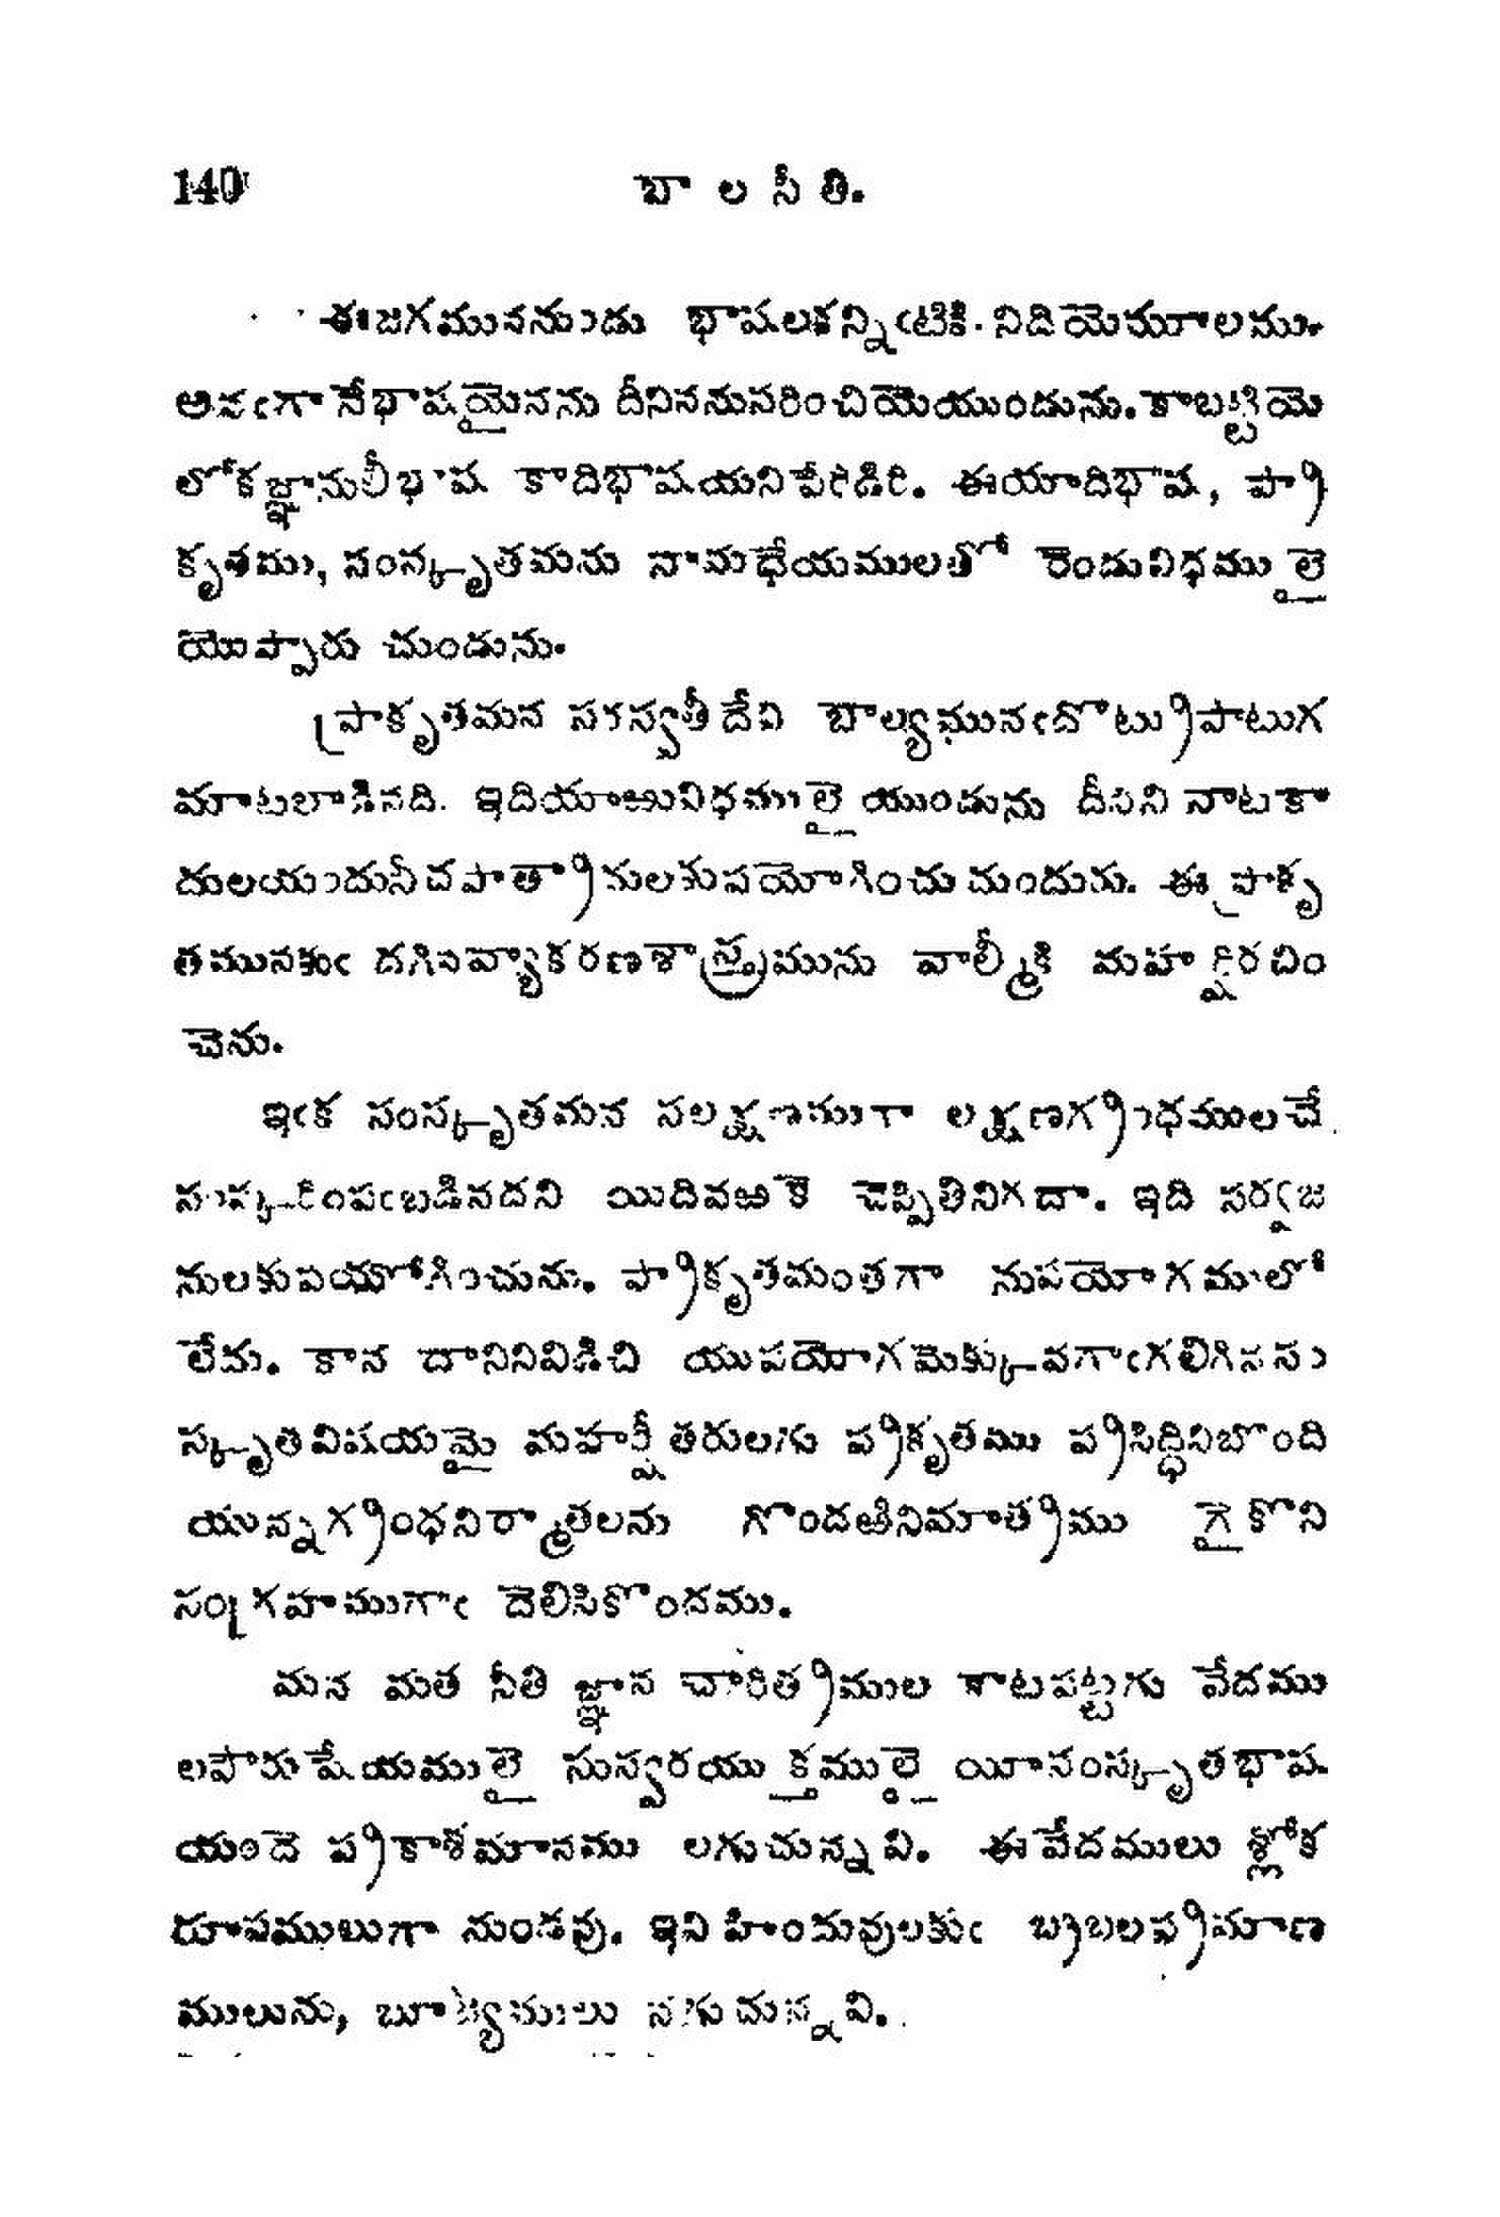ఈజగముననుండు భాషలకన్నిఁటికి నిదియెమూలము. 
అనఁగానేభాషయైనను దీనిననుసరించియెయుండును. కాబట్టియె
లోకజ్ఞానులీభాష కాదిభాషయనిపేరిడిరి. ఈయాదిభాష, ప్రా
కృతము, సంస్కృతమను నామధేయములతో రెండువిధములై 
యొప్పారు చుండును.

ప్రాకృతమున సరస్వతీదేవి బాల్యమునఁదొట్రుపాటుగ 
మాటలాడినది. ఇదియాఱువిధములైయుండును. దీనిని నాటకా
దులయందునీచపాత్రాదులకుపయోగించు చుందురు. ఈప్రాకృ
తమునకుఁ దగినవ్యాకరణశాస్త్రమును వాల్మీకి మహర్షిరచిం
చెను.

ఇఁక సంస్కృతమన సలక్షణముగా లక్షణగ్రంధములచే 
సంస్కరింపఁబడినదని యిదివఱకె చెప్పితినిగదా. ఇది సర్వజ
నులకుపయోగించును. ప్రాకృతమంతగా నుపయోగములో 
లేదు. కాన దానినివిడిచి యుపయోగమెక్కువగాఁగలిగిన సం
స్కృతవిషయమై మహర్షీ తరులగు ప్రకృతము ప్రసిద్ధినిబొంది
యున్నగ్రంధనిర్మాతలను గొందఱినిమాత్రము గైకొని 
సంగ్రహముగాఁ దెలిసికొందము.

మన మత నీతి జ్ఞాన చారిత్రముల కాటపట్టగు వేదము
లపౌరుషేయములై సుస్వరయుక్తములై యీసంస్కృతభాష
యందె ప్రకాశమానము లగుచున్నవి. ఈవేదములు శ్లోక
రూపములుగా నుండవు. ఇవి హిందువులకుఁ బ్రబలప్రమాణ
ములును, బూజ్యములు నగుచున్నవి.